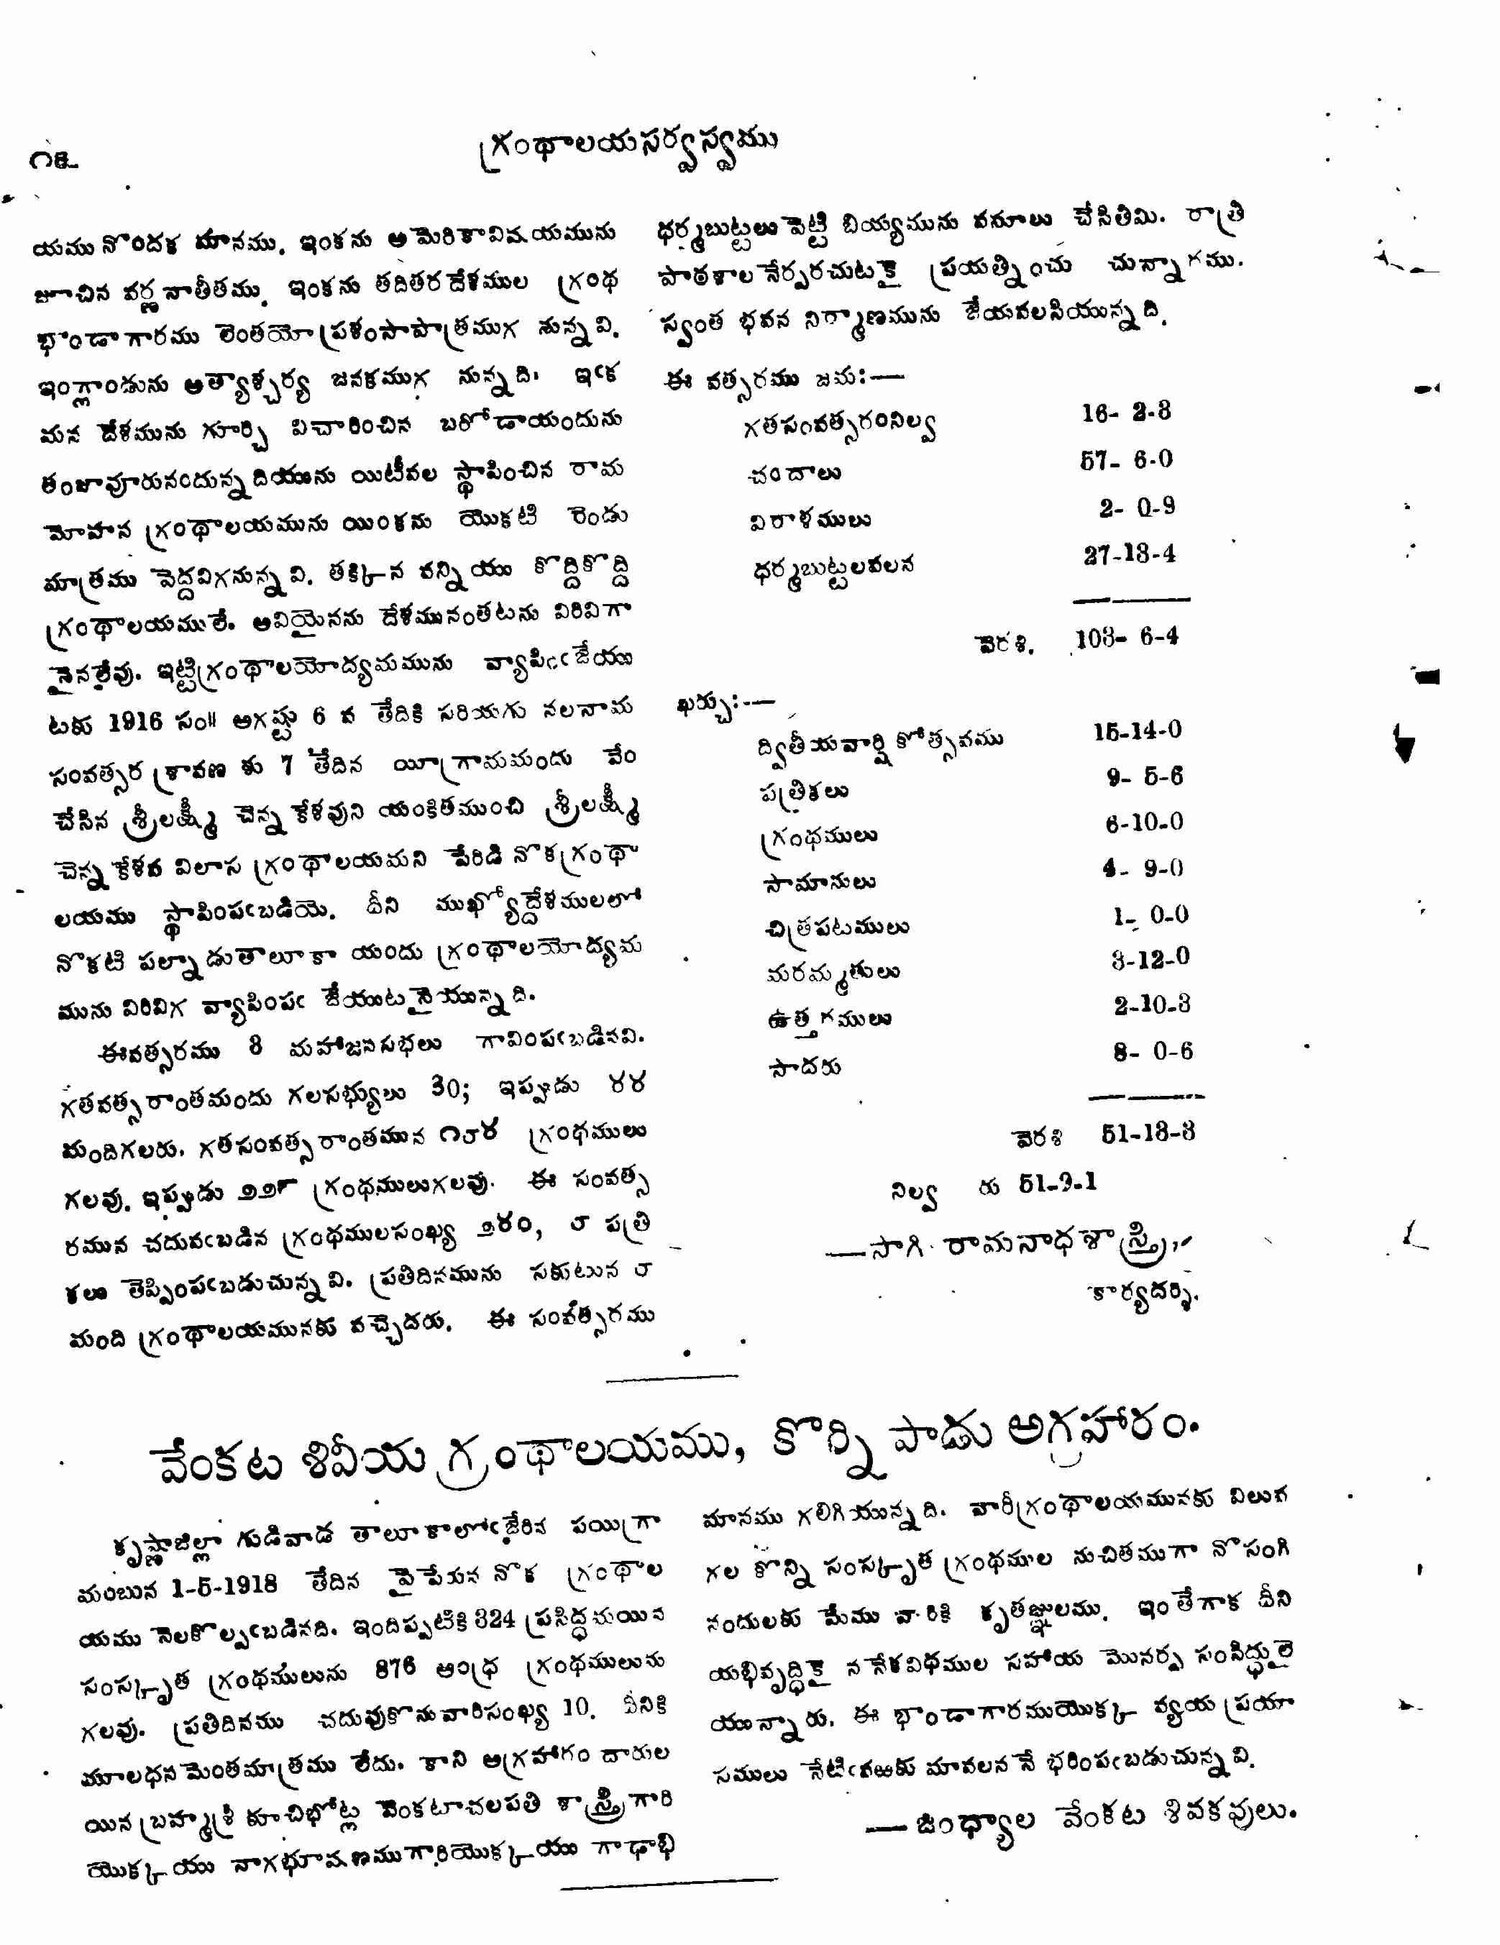యము నొందక మానము, ఇంకను అమెరికావిషయమును జూచిన వర్ణనాతీతము ఇంకను తదితర దేశములు గ్రంథకొండాగారము లెంతయో ప్రశంసాపాత్రముగ నున్నవి. ఇంగ్లాండును అత్యాశ్చర్యజనకముగ నున్నది. ఇంక మన దేశమును గూర్చి విచారించిన బరోడాయందును తంజావూరునందున్నదియును యిటీవల స్థాపించిన రామమోహన గ్రంథాలయమును యింకను యొకటి రెండు మాత్రము పెద్దవిగనున్నవి. తక్కిన వన్నియు కొద్దికొద్ది గ్రంథాలయములే. అవియైనను దేశమునంతటను విరివిగా నైనలేవు. ఇట్టి గ్రంథాలయోద్యమమును వ్యాపిఁఁజేయుటకు 1916 సం॥ అగష్టు 6వ తేదికి సరియగు నలనామసంవత్సర శ్రావణకు 7 తేదిన యీగ్రాముమందు వేంచేసిన శ్రీలక్ష్మీ చెన్న కేశవుని యంకితముంచి శ్రీలక్ష్మీచెన్న కేశవ విలాస గ్రంథాలయమని పేరిడి నొకగ్రంథాలయము స్థాపింపఁబడియె. దీని ముఖ్యోద్దేశములలో నొకటి పల్నాడుతాలూకా యందు గ్రంథాలయోద్యమమును విరివిగ వ్యాపింపఁ జేయుటనైయున్నది.

ఈవత్సరము 8 మహాజనసభలు గావింపబడినవి. గతవత్సరాంతమందు గలసభ్యులు 3ం; ఇప్పుడు ౪౪ మందిగలరు. గత సంవత్సరాంతమున ౧౮౪ గ్రంథములు గలవు. ఇప్పుడు ౨౨౯ గ్రంథములు గలవు. ఈ సంవత్సరమున చదువఁబడిన గ్రంథముల సంఖ్య ౨౪ం, ౮ పత్రికలు తెప్పింపఁబడుచున్నవి. ప్రతిదినమును సకుటున ౮ మంది గ్రంథాలయమునకు వచ్చెదరు. ఈ సంవత్సరము ధర్మబుట్టలు పెట్టి బియ్యమును వసూలు చేసితిమి. రాత్రి పాఠశాల నేర్పరచుటకై ప్రయత్నించు చున్నారము. స్వంత భవన నిర్మాణమును జేయవలసియున్నది.

కృష్ణాజిల్లా గుడివాడ తాలూకాలోఁ జేరిన పయిగ్రామంబున 1-5-1918 తేదిన పై పేరున నొక గ్రంథాలయము నెలకొల్పఁబడినది. ఇందిప్పటికి 324 ప్రసిద్ధమయిన సంస్కృత గ్రంథములును 876 ఆంధ్ర గ్రంథములును గలవు. ప్రతిదినము చదువుకొను వారిసంఖ్య 10. దీనికి మూలధన మెంతమాత్రము లేదు. కాని అగ్రహారందారులయిన బ్రహ్మశ్రీ కూచిభోట్ల వెంకటాచలపతి శాస్త్రి గారి యొక్కయు నాగభూషణముగారి యొక్కయు గాఢాభిమానము గలిగియున్నది. వారీగ్రంథాలయమునకు విలుగగల కొన్ని సంస్కృత గ్రంథమాలను చితముగా నొసంగి నందులకు మేము వారికి కృతజ్ఞులము, ఇంతేగాక దీని యభివృద్ధికై ననేకవిధముల సహాయ మొనర్ప సంసిద్ధులై
యున్నారు. ఈ భాండాగారముయొక్క వ్యయ ప్రయాసములు నేటిఁగఱకు మావలననే భరింపఁబడుచున్నవి.